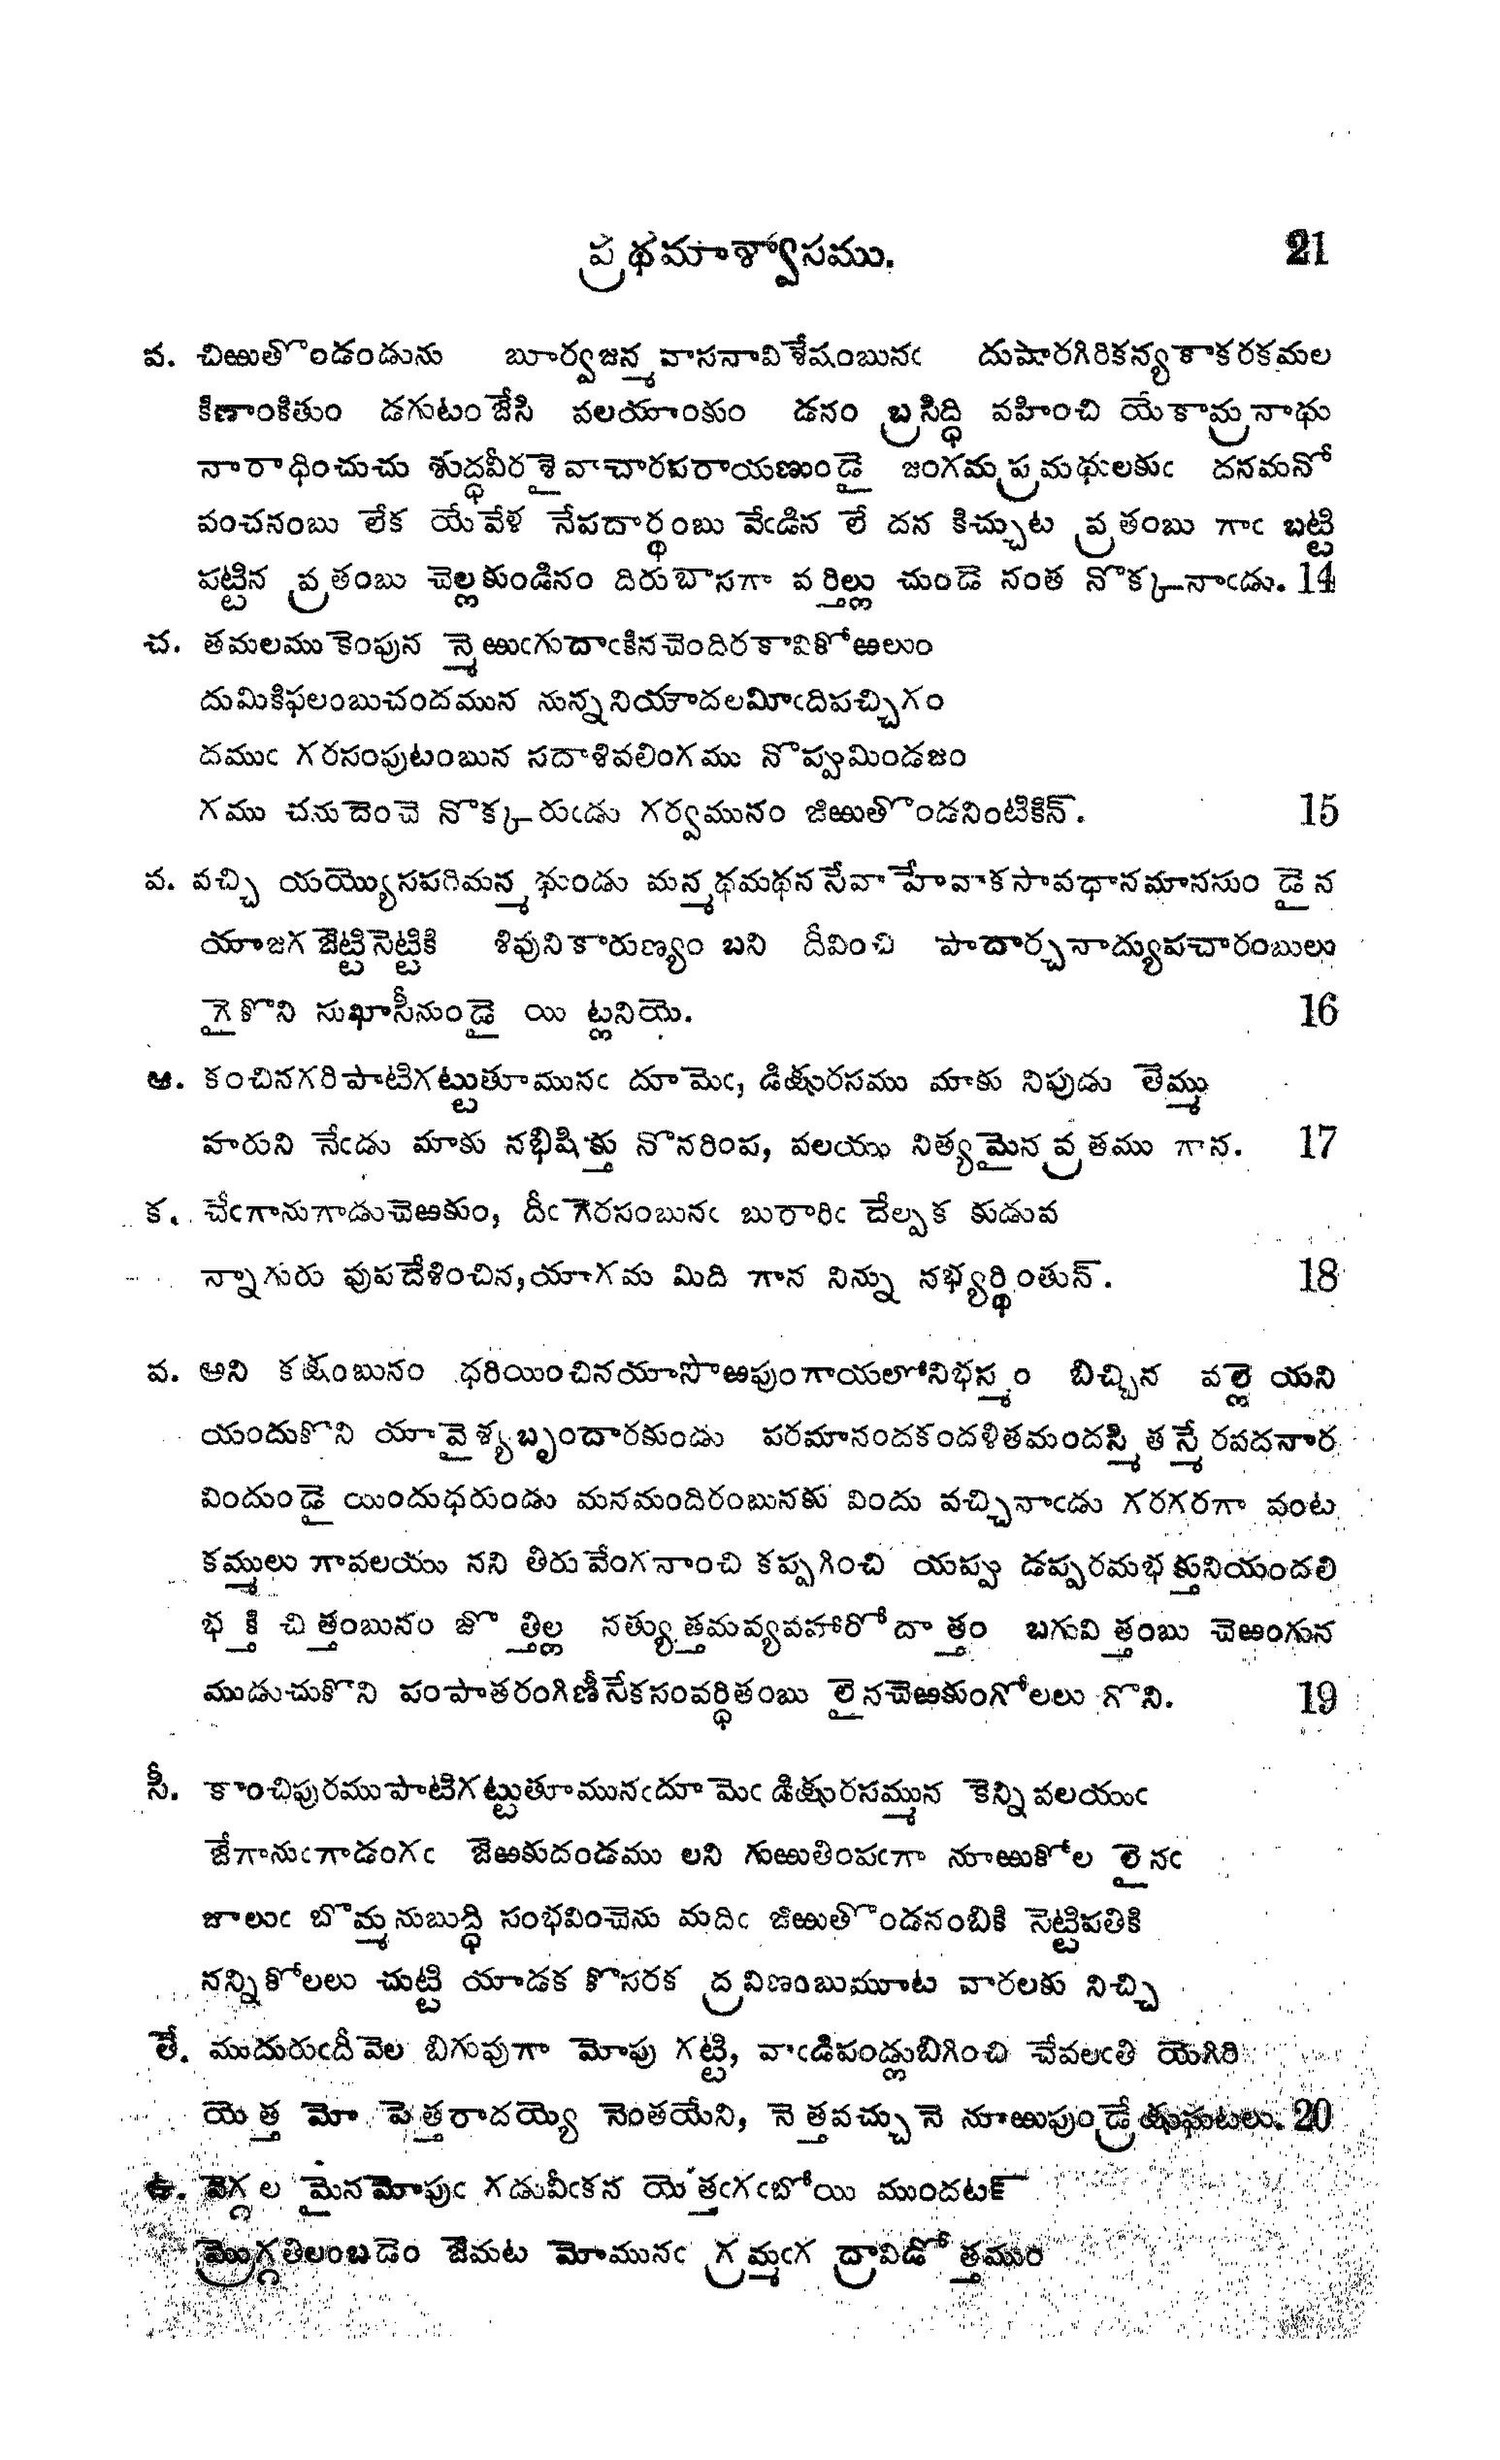వ. చిఱుతొండండును బూర్వజన్మవాసనావిశేషంబునఁ దుషారగిరికన్యకాకరకమలకిణాంకితుం డగుటం జేసి వలయాంకుండనం బ్రసిద్ధి వహించి యేకామ్రనాథు నారాధించుచు శుద్ధవిరశైవాచారపరాయణుండై జంగమప్రమథులకుఁ దనమనోవంచనంబు లేక యేవేళ నేపదార్థంబు వేఁడిన లే దన కిచ్చుట వ్రతంబు గాఁ బట్టి పట్టిన వ్రతంబు చెల్లకుండినం దిరుబాసగా వర్తిల్లుచుండె నంత నొక్కనాఁడు. 14

చ. తమలముకెంపున న్మెఱుఁగుదాఁకినచెందిరకావికోఱలుం
దుమికిఫలంబుచందమున నున్ననియౌదలమీఁదిపచ్చిగం
దముఁ గరసంపుటంబున సదాశివలింగము నొప్పుమిండజం
గము చనుదెంచె నొక్కరుఁడు గర్వమునం జిఱుతొండనింటికిన్. 15

వ. వచ్చి యయ్యొసపరిమన్మథుండు మన్మథమథనసేవాహేవాకసావధానమానసుండైన యాజగజెట్టిసెట్టికి శివునికారుణ్యం బని దీవించి పాదార్చనాద్యుపచారంబులు గైకొని సుఖాసీనుండై యి ట్లనియె. 16

ఆ. కంచినగరిపాటిగట్టుతూమునఁ దూమెఁ
డిక్షురసము మాకు నిపుడు తెమ్ము
హరుని నేఁడు మాకు నభిషిక్తు నొనరింప
వలయు నిత్యమైన వ్రతము గాన. 17

క. చేఁగానుగాడుచెఱుకుం
దీఁగెరసంబునఁ బురారిఁ దేల్పక కుడువ
న్నాగురు వుపదేశించిన
యాగమమ మిది గాన నిన్ను నభ్యర్థింతున్. 18

వ. అని కక్షంబునం ధరియించిన యాసొఱపుంగాయలోని భస్మం బిచ్చిన వల్లె యని యందుకొని యావైశ్యబృందారకుండు పరమానందకందళితమందస్మితస్మేరవదనారవిందుండై యిందుధరుండు మనమందిరంబునకు విందుకు వచ్చినాఁడు గరగరగా వంటకమ్ములు గావలయు నని తిరువేంగనాచి కప్పగించి యప్పు డప్పరమభక్తునియందలి భక్తి చిత్తంబునం జొత్తిల్ల నత్యుత్తమవ్యవహారోదాత్తం బగువిత్తంబు చెఱంగున ముడుచుకొని పంపాతరంగిణీసేకసంవర్థితంబులైన చెఱకుగోలలు గొని. 19

సీ. కాంచిపురము పాటిగట్టు తూముఁ దూమెఁ డిక్షురసమ్మున కెన్నివలయుఁ
జేగానుఁగాడంగఁ జెఱకుదండము లని గుఱుతింపఁగా నూఱుకోల లైనఁ
జాలుఁ బొమ్మనుబుద్ధి సంభవించెను మదిఁ జిఱుతొండనంబికి సెట్టిపతికి
నన్నికోలలు చుట్టి యాడక కొసరక ద్రవిణంబుమూట వారలకు నిచ్చి
తే. ముదురుఁదీవెల బిగువుగా మోపు గట్టి, వాఁడిపండ్లు బిగించి చేవలఁతి యెగిరి
యెత్త మో పెత్తరాదయ్యె నెంతయేని, నెత్తవచ్చునె నూఱుపుండ్రేక్షుఘటలు. 20

ఉ. వెగ్గలమైన మోపుఁ గడువీఁకన యెత్తఁగఁబోయి ముందటన్
మ్రొగ్గతిలంబడెం జెమట మోమునఁ గ్రమ్మఁగ ద్రావిడోత్తముం